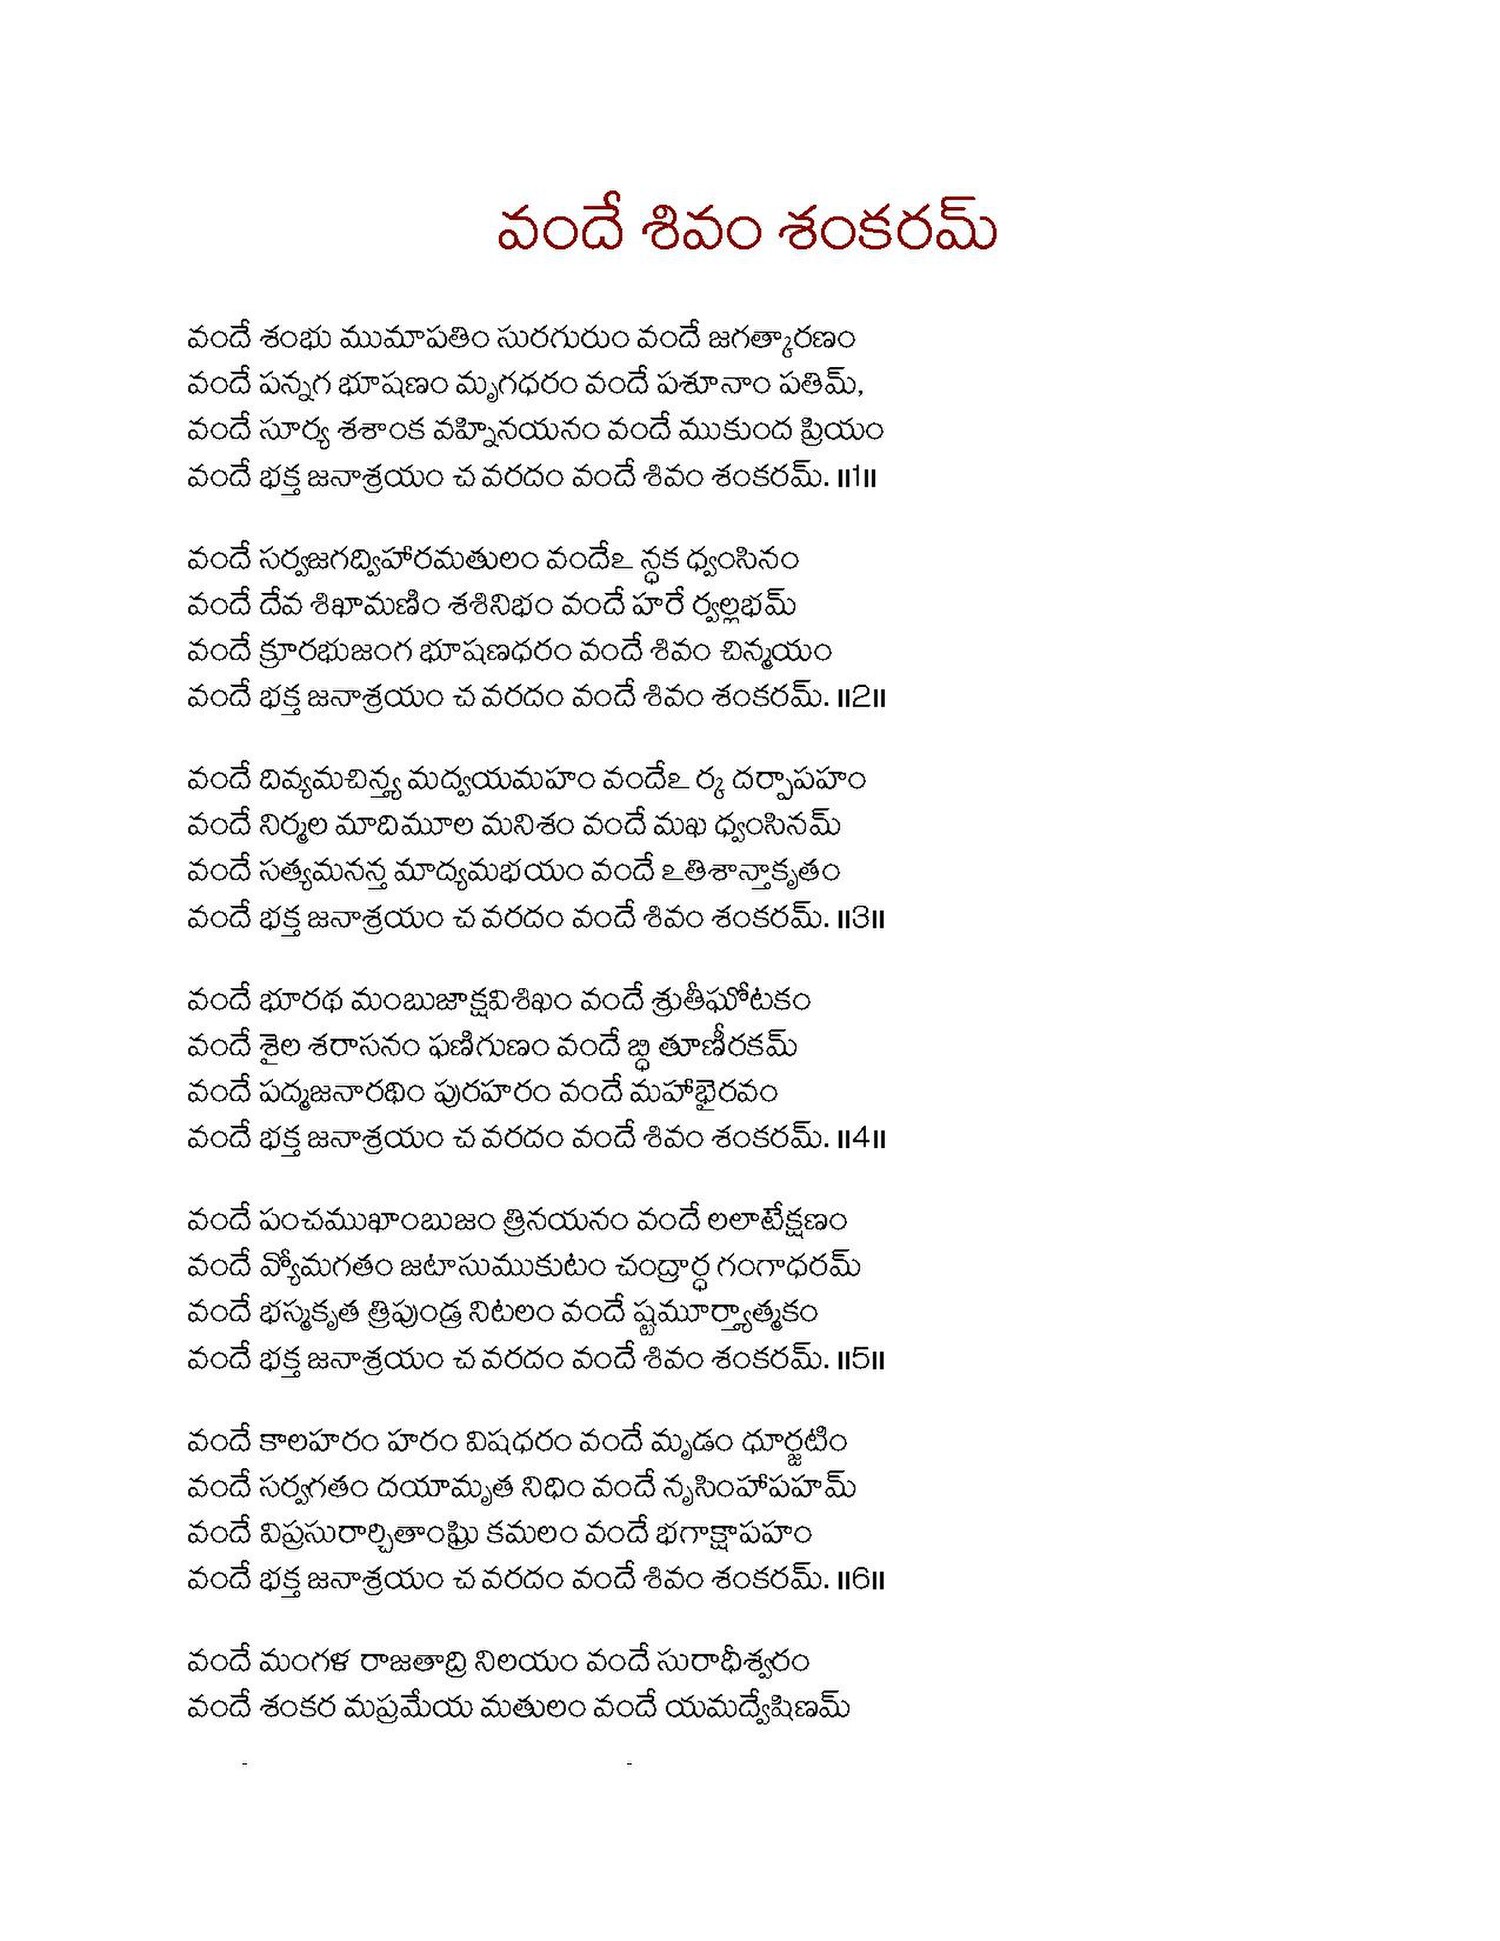వందే శంభు ముమాపతిం సురగురుం వందే జగత్కారణం
వందే పన్నగ భూషణం మృగధరం వందే పశూనాం పతిమ్,
వందే సూర్య శశాంక వహ్నినయనం వందే ముకుంద ప్రియం
వందే భక్త జనాశ్రయం చ వరదం వందే శివం శంకరమ్. ||1||

వందే సర్వజగద్విహారమతులం వందే౽న్ధకధ్వంసినం
వందే దేవ శిఖామణిం శశినిభం వందే హరే ర్వల్లభమ్
వందే క్రూరభుజంగ భూషణధరం వందే శివం చిన్మయం
వందే భక్త జనాశ్రయం చ వరదం వందే శివం శంకరమ్. ||2||

వందే దివ్యమచిన్త్యమద్వయమహం వందే౽ర్క దర్పాపహం
వందే నిర్మల మాదిమూల మనిశం వందే మఖ ధ్వంసినమ్
వందే సత్యమనన్త మాద్యమభయం వందే౽తిశాన్తాకృతం
వందే భక్త జనాశ్రయం చ వరదం వందే శివం శంకరమ్. ||3||

వందే భూరథ మంబుజాక్షవిశిఖం వందే శ్రుతీఘోటకం
వందే శైల శరాసనం ఫణిగుణం వందేబ్ధితూణీరకమ్
వందే పద్మజనారథిం పురహరం వందే మహాభైరవం
వందే భక్త జనాశ్రయం చ వరదం వందే శివం శంకరమ్. ||4||

వందే పంచముఖాంబుజం త్రినయనం వందే లలాటేక్షణం
వందే వ్యోమగతం జటాసుముకుటం చంద్రార్ధ గంగాధరమ్
వందే భస్మకృత త్రిపుండ్ర నిటలం వందే ష్టమూర్త్యాత్మకం
వందే భక్త జనాశ్రయం చ వరదం వందే శివం శంకరమ్. ||5||

వందే కాలహరం హరం విషధరం వందే మృడం ధూర్జటిం
వందే సర్వగతం దయామృత నిధిం వందే నృసింహాపహమ్
వందే విప్రసురార్చితాంఘ్రి కమలం వందే భగాక్షాపహం
వందేభక్త జనాశ్రయం చ వరదం వందే శివం శంకరమ్. ||6||

వందే మంగళ రాజతాద్రి నిలయం వందే సురాధీశ్వరం
వందే శంకర మప్రమేయ మతులం వందే యమద్వేషిణమ్